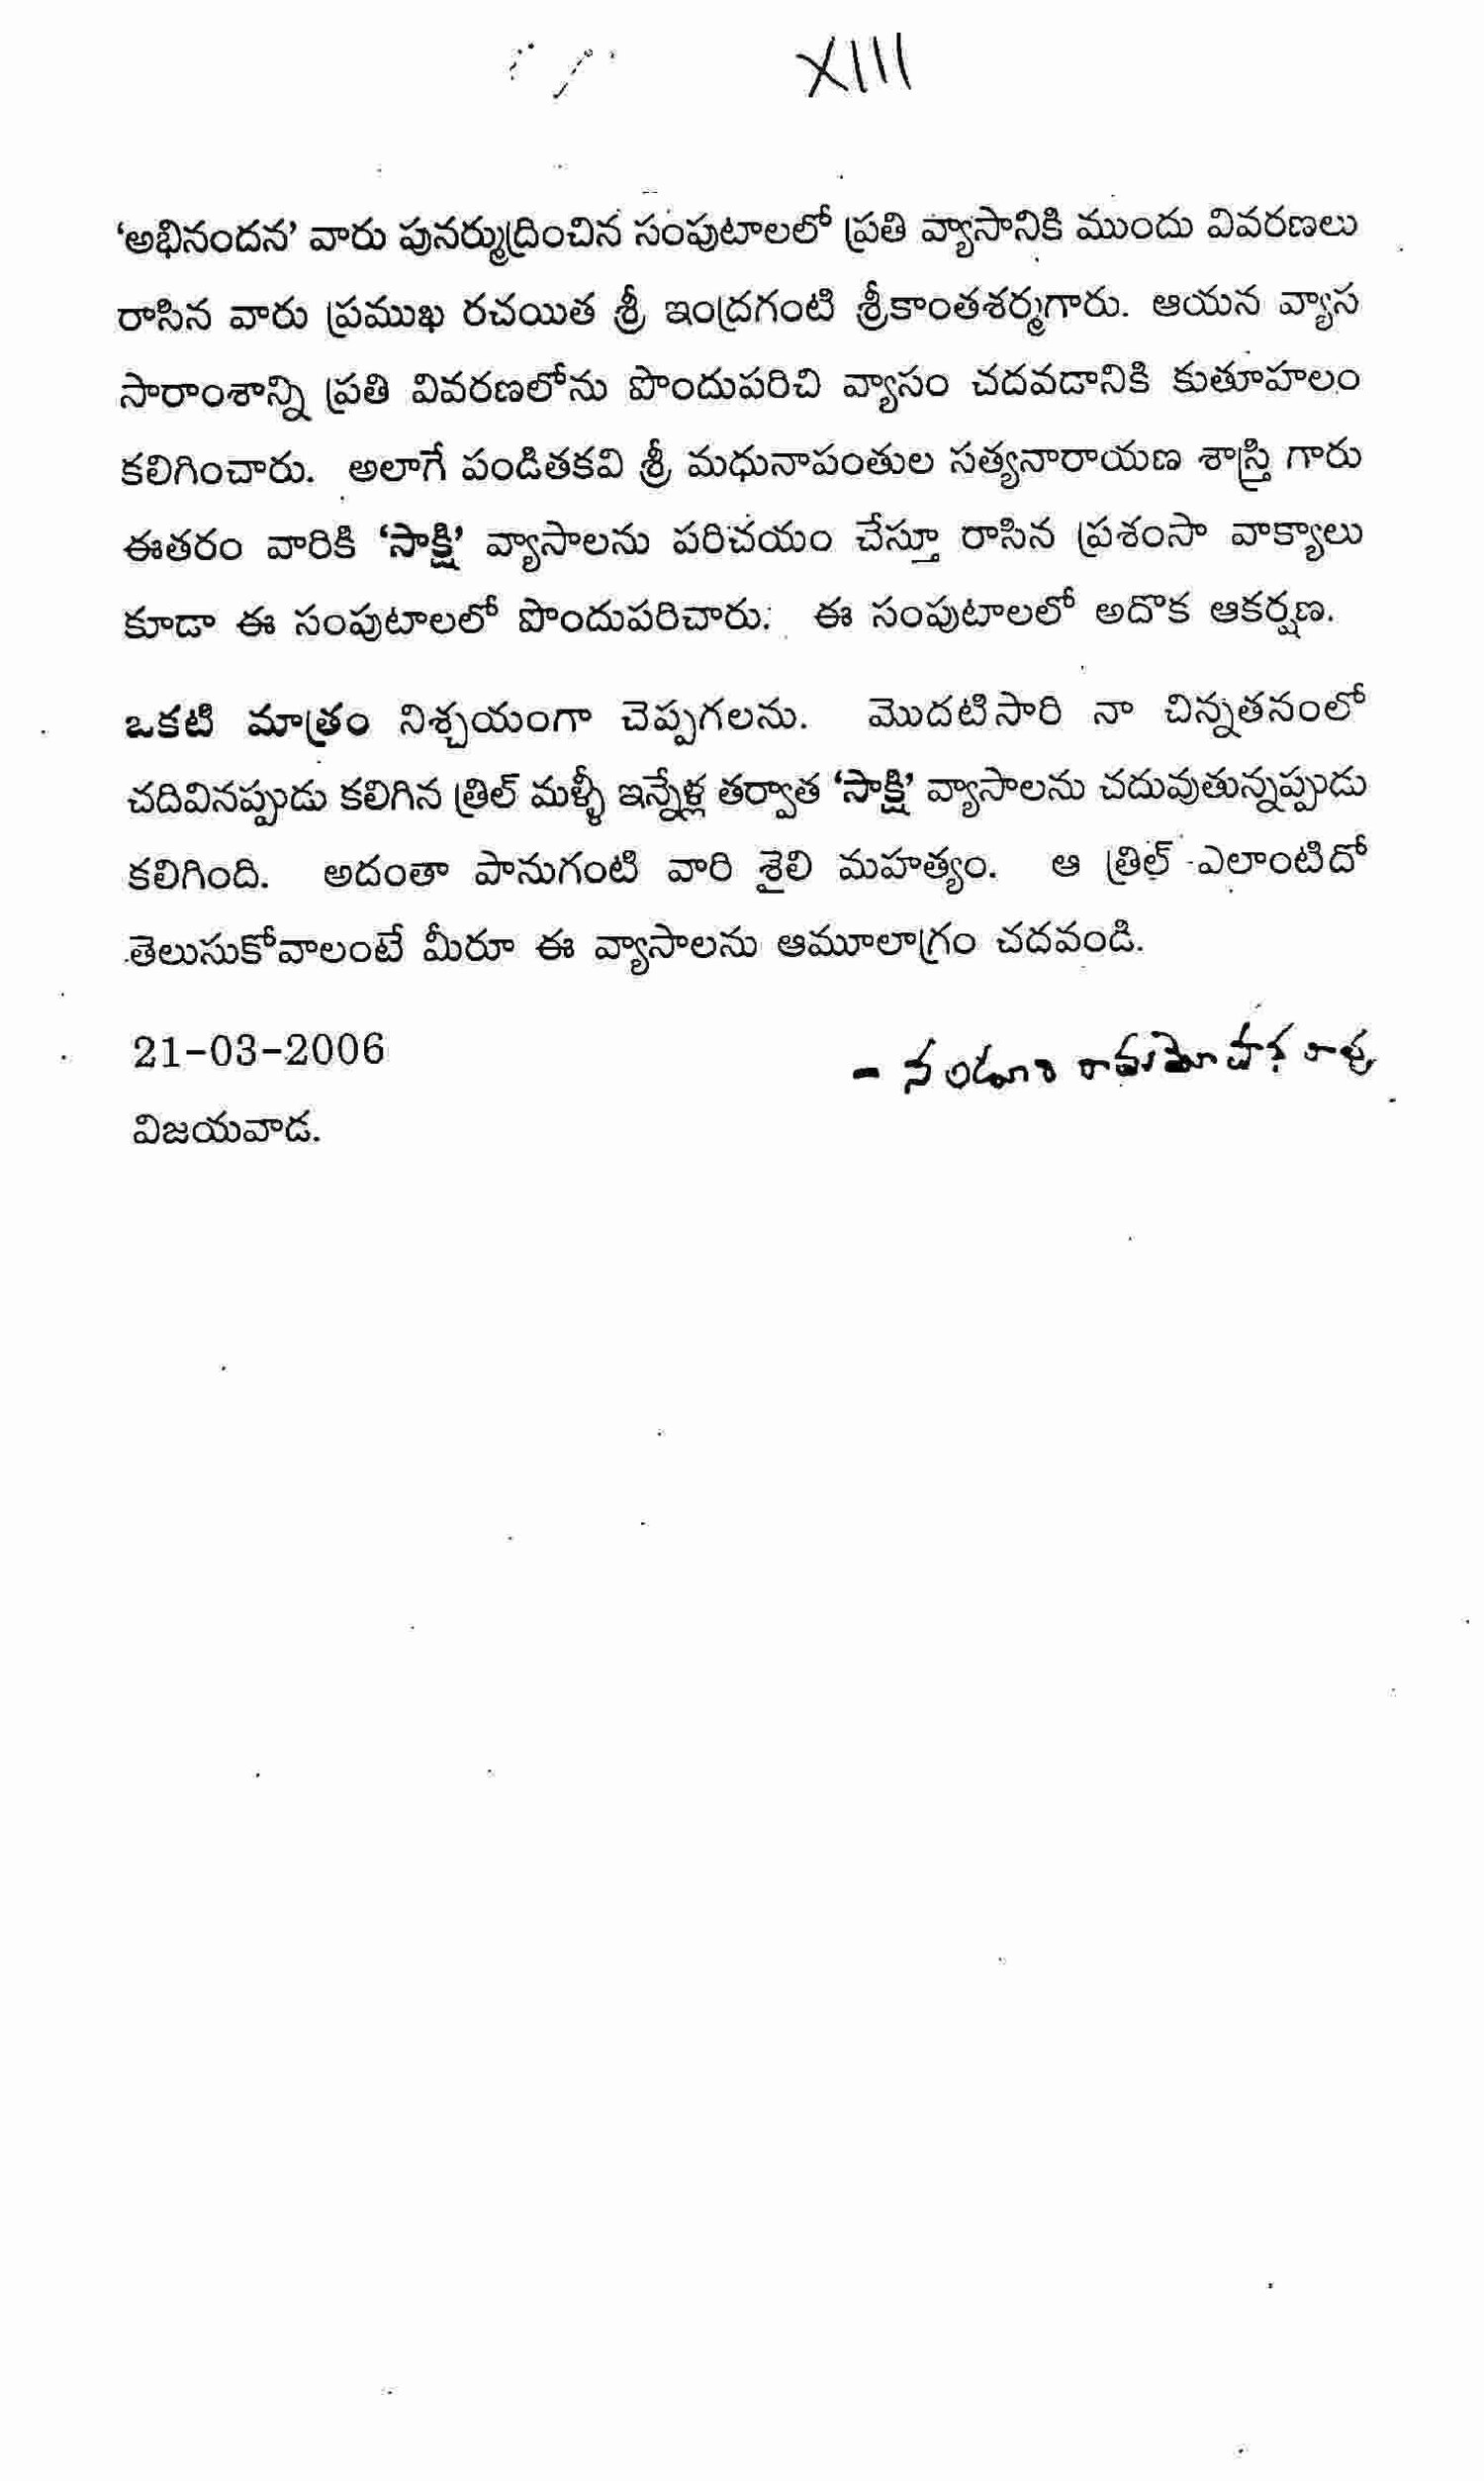'అభినందన' వారు పునర్ముద్రించిన సంపుటాలలో ప్రతి వ్యాసానికి ముందు వివరణలు రాసిన వారు ప్రముఖ రచయిత శ్రీ ఇంద్రగంటి శ్రీకాంతశర్మగారు. ఆయన వ్యాస సారాంశాన్ని ప్రతి వివరణలోను పొందుపరిచి వ్యాసం చదవడానికి కుతూహలం కలిగించారు. అలాగే పండితకవి శ్రీ మధునాపంతుల సత్యనారాయణ శాస్త్రి గారు ఈతరం వారికి 'సాక్షి' వ్యాసాలను పరిచయం చేస్తూ రాసిన ప్రశంసా వాక్యాలు కూడా ఈ సంపుటాలలో పొందుపరిచారు. ఈ సంపుటాలలో అదొక ఆకర్షణ.

ఒకటి మాత్రం నిశ్చయంగా చెప్పగలను. మొదటిసారి నా చిన్నతనంలో చదివినప్పుడు కలిగిన త్రిల్ మళ్ళీ ఇన్నేళ్ల తర్వాత 'సాక్షి' వ్యాసాలను చదువుతున్నప్పుడు కలిగింది. అదంతా పానుగంటి వారి శైలి మహత్యం. ఆ త్రిల్ ఎలాంటిదో తెలుసుకోవాలంటే మీరూ ఈ వ్యాసాలను ఆమూలాగ్రం చదవండి.

21-03-2006

విజయవాడ.